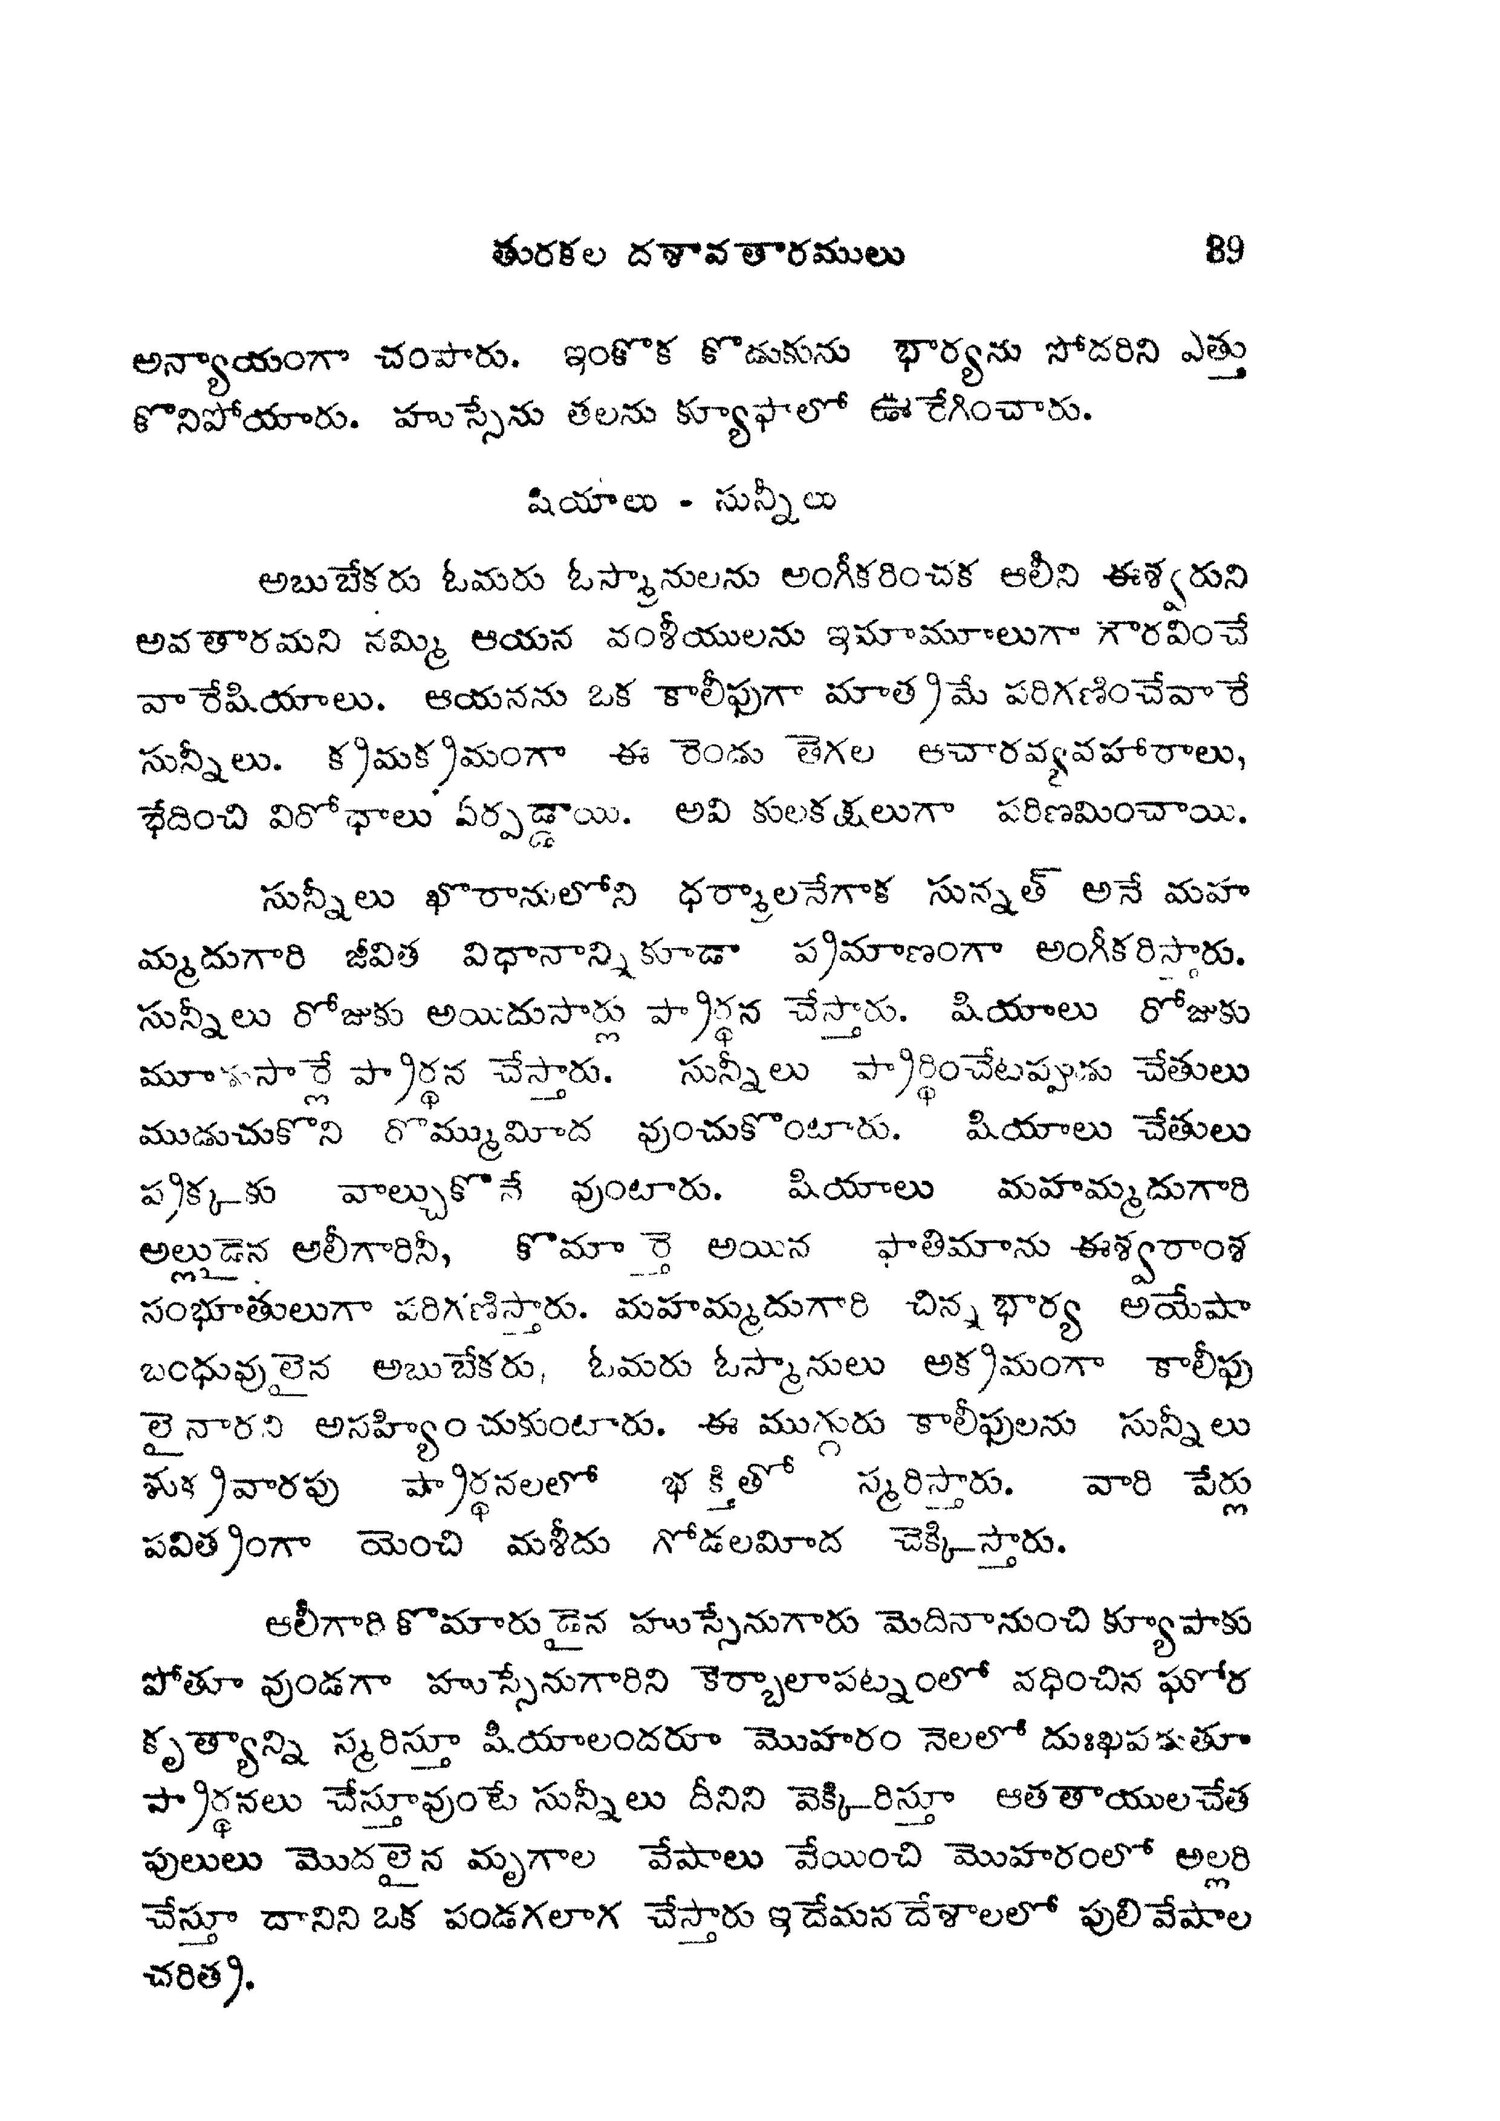అన్యాయంగా చంపారు ఇంకొక కొడుకును భార్యను సోదరిని ఎత్తుకొనిపోయారు. హుస్సేను తలను క్యూఫాలో ఊరేగించారు.

అబుబేకరు ఓమరు ఓస్మానులను అంగీకరించక ఆలీని ఈశ్వరుని అవతారమని నమ్మి ఆయన వంశీయులను ఇమామూలుగా గౌరవించే వారే షియాలు. ఆయనను ఒక కాలీఫుగా మాత్రమే పరిగణించేవారే సున్నీలు. క్రమక్రమంగా ఈ రెండు తగల అచారవ్యవహారాలు భేదించి విరోధాలు ఏర్పడ్డాయి. అని కుల కక్షలుగా పరిణమించాయి.

సున్నీలు ఖొరానులోని ధర్మాలనేగాక సున్నత్ అనె మహమ్మదుగారి జీవిత విధానాన్ని కూడా ప్రమాణంగా అంగీకరిస్తారు. సున్నీలు రోజుకు అయిదుసార్లు ప్రార్ధన చెస్తారు. షియాలు రోజుకు మూడుసార్లే ప్రార్ధన చేస్తారు. సున్నీలు ప్రార్ధించేటప్పుడు చేతులు ముడుచుకొని రొమ్ముమీద వుంచుకొంటారు. షియాలు చెతులు ప్రక్కకు వాల్చుకొనే వుంటారు. షియాలు మహమ్మదుగారి అల్లుడైన ఆలీగారినీ, కొమార్తె అయిన ఫాతిమాను ఈశ్వరాంశ సంభూతులుగా పరిగణిస్తారు. మహమ్మదుగారి చిన్నభార్య ఆయేషా బంధువులైన అబుబేకరు. ఓమరు ఓస్మానులు అక్రమంగా కాలీఫులైనవారని అసహ్యించుకుంటారు. ఈ ముగ్గురు కాలీఫులను సున్నీలు శుక్రవారపు ప్రార్ధనలలో భక్తితో స్మరిస్తారు. వారి పేర్లు పవిత్రంగా యెంచి మశీదు గోదలమీద చెక్కిస్తారు.

ఆలీగారి కొమారుడైన హుస్సేనుగారు మెదినానుంచి క్యూఫాకు పోతూ వుండగా హుస్సేనుగారిని కెర్భాలాపట్నంలో వధించిన ఘోరకృత్యాన్ని స్మరిస్తూ షియాలందరూ మొహరం నెలలో దు:ఖపడుతూ ప్రార్ధనలు చేస్తూవుంటే సున్నీలు దీనిని వెక్కిరిస్తూ ఆతతాయులచేత పులులు మొదలైన మృగాల వేషాలు వేయించి మొహరంలో అల్లరి చేస్తూ దానిని ఒక పండుగలాగ చేస్తారు. ఇదేమనదేశాలలొ పులివేషాల చరిత్ర.